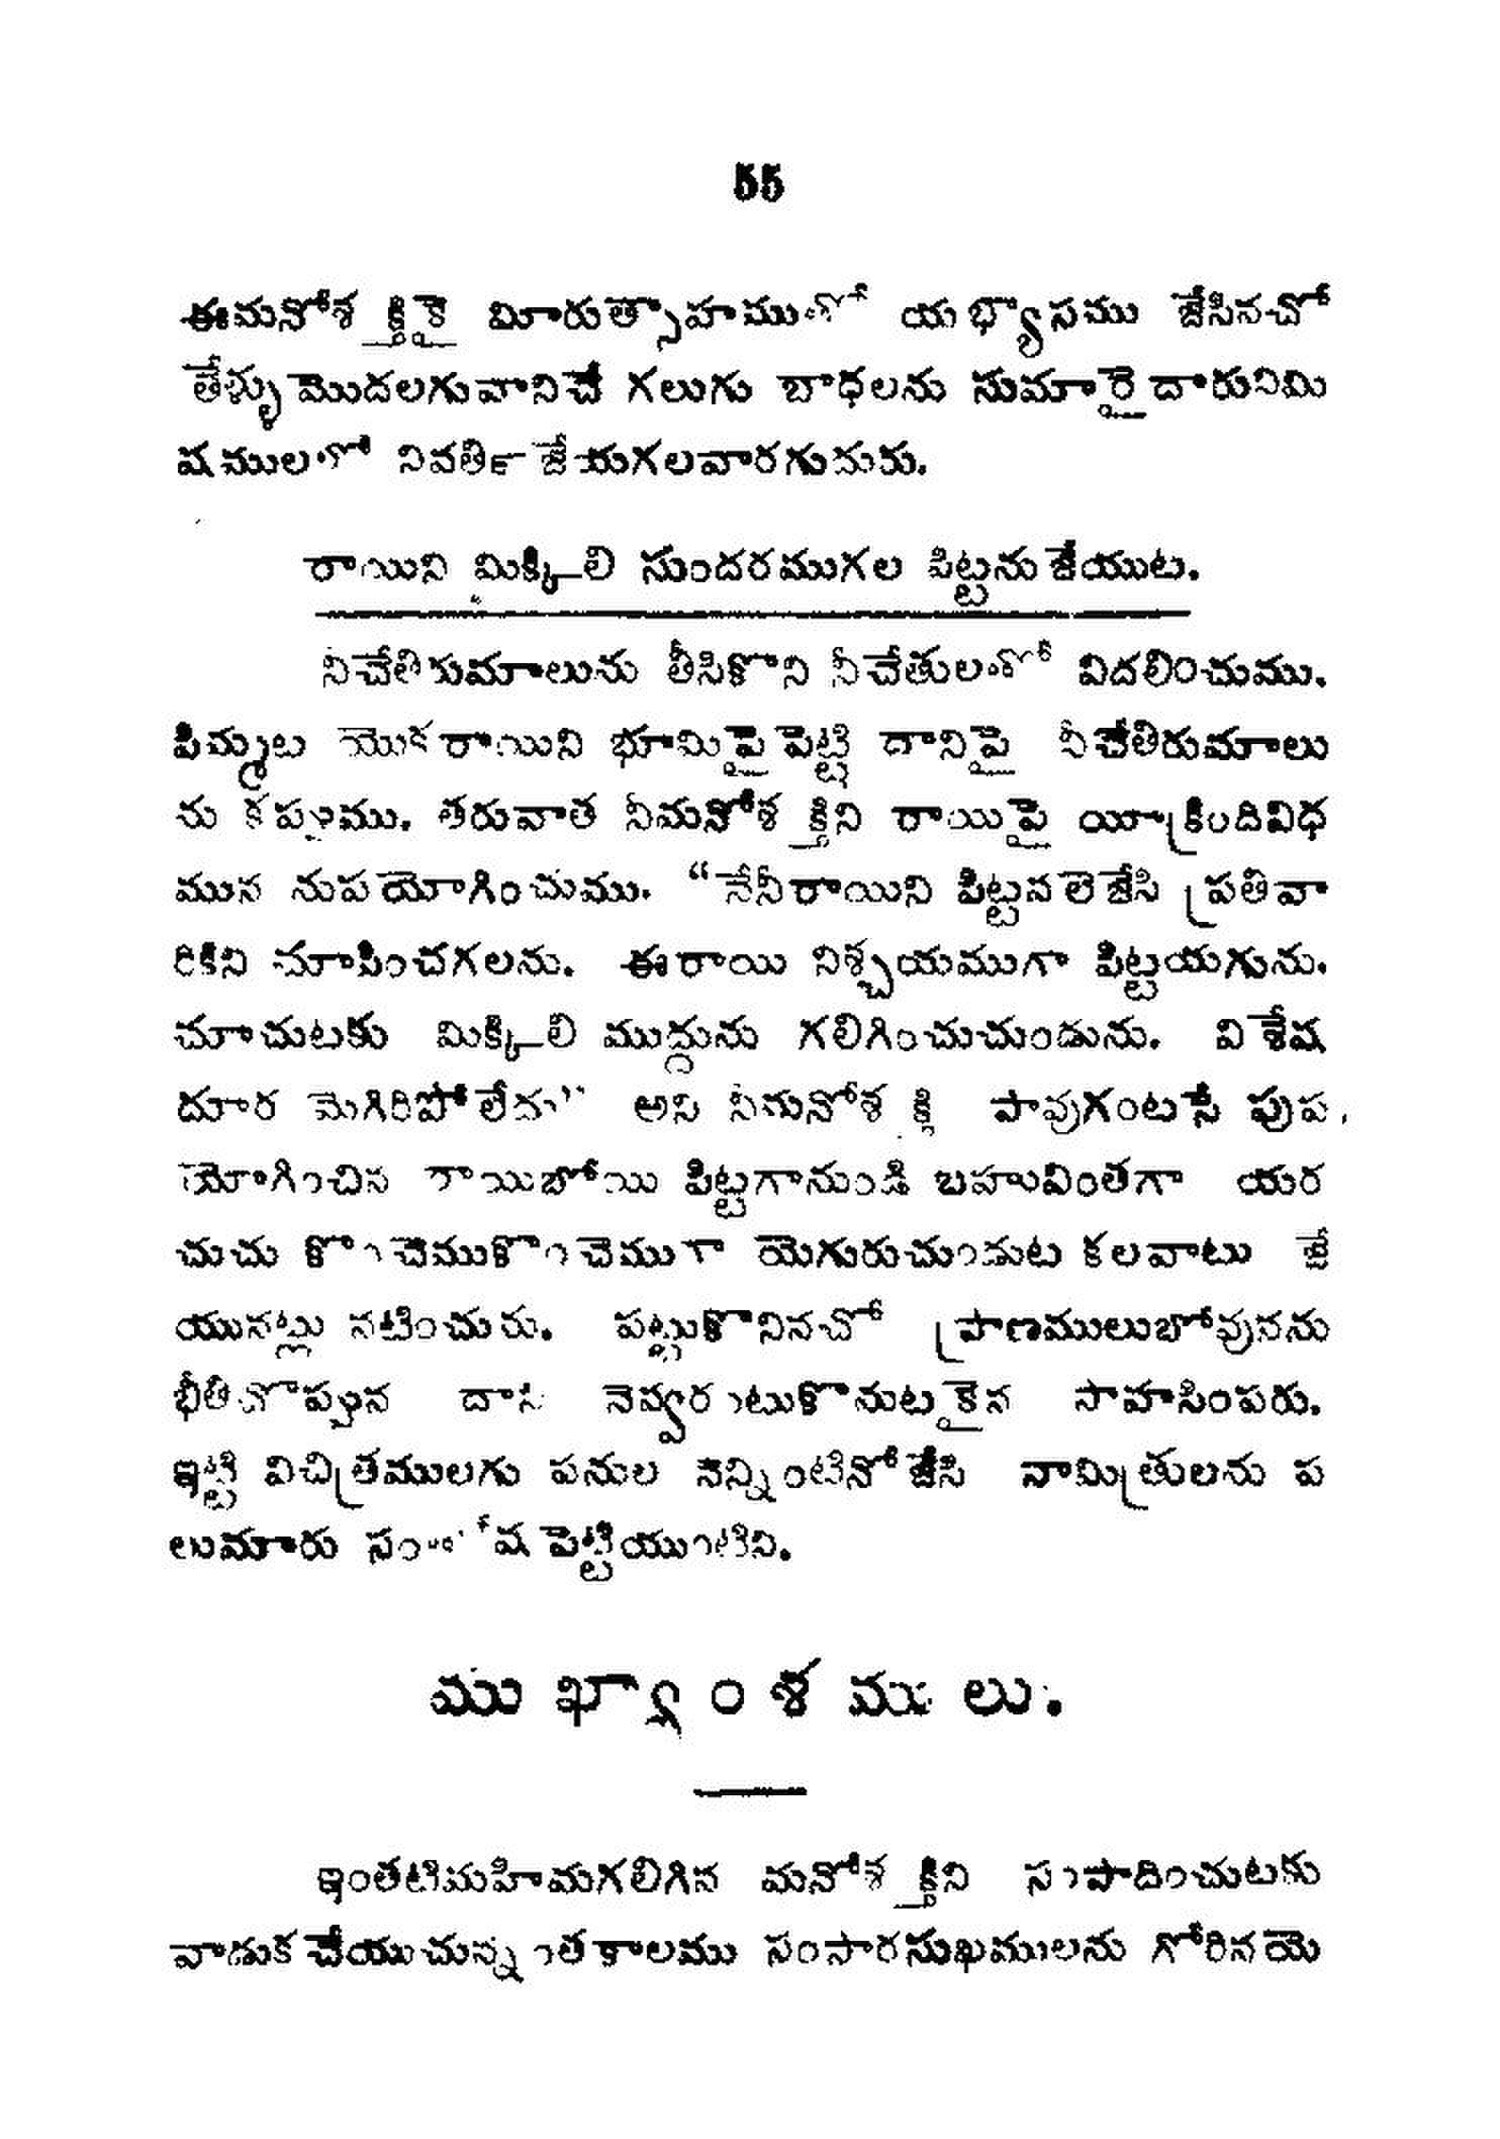ఈమనోశక్తికై మీరుత్సాహముతో యభ్యాసము జేసినచో తేళ్ళు మొదలగువానిచే గలుగు బాధలను సుమారైదారునిమిషములలో నివతిన్ జేయగలవారగుదురు.

నీచేతిరుమాలును తీసికొని నీచేతులతో విదలించుము. పిమ్మట యొకరాయిని భూమిపైపెట్టి దానిపై నీచేతిరుమాలును కప్పుము. తరువాత నీమనోశక్తిని రాయిపై యీక్రిందివిధమున నుపయోగించుము. “నేనీరాయిని పిట్టవలెజేసి ప్రతివారికిని చూపించగలను. ఈరాయి నిశ్చయముగా పిట్టయగును.
చూచుటకు మిక్కిలి ముద్దును గలిగించుచుండును. విశేషదూర మెగిరిపోలేదు" అని నీమనోశక్తి పావుగంటసే పుప్రయోగించిన రాయిబోయి పిట్టగానుండి బహువింతగా యరచుచు కొంచెము కొంచెముగా యెగురుచుండుట కలవాటు జేయునట్లు నటించును. పట్టుకొనినచో ప్రాణములు బోవునను భీతిచొప్పున దాని నెవ్వరంటుకొనుటకైన సాహసింపరు. ఇట్టి విచిత్రములగు పనుల నెన్నింటినో జేసి నామిత్రులను పలుమారు సంతో'షపెట్టియుంటిని.

ముఖ్యాంశములు.
ఇంతటిమహిమగలిగిన మనోశక్తిని సంపాదించుటకు వాడుకచేయుచున్నంతకాలము సంసార సుఖములను గోరినయె